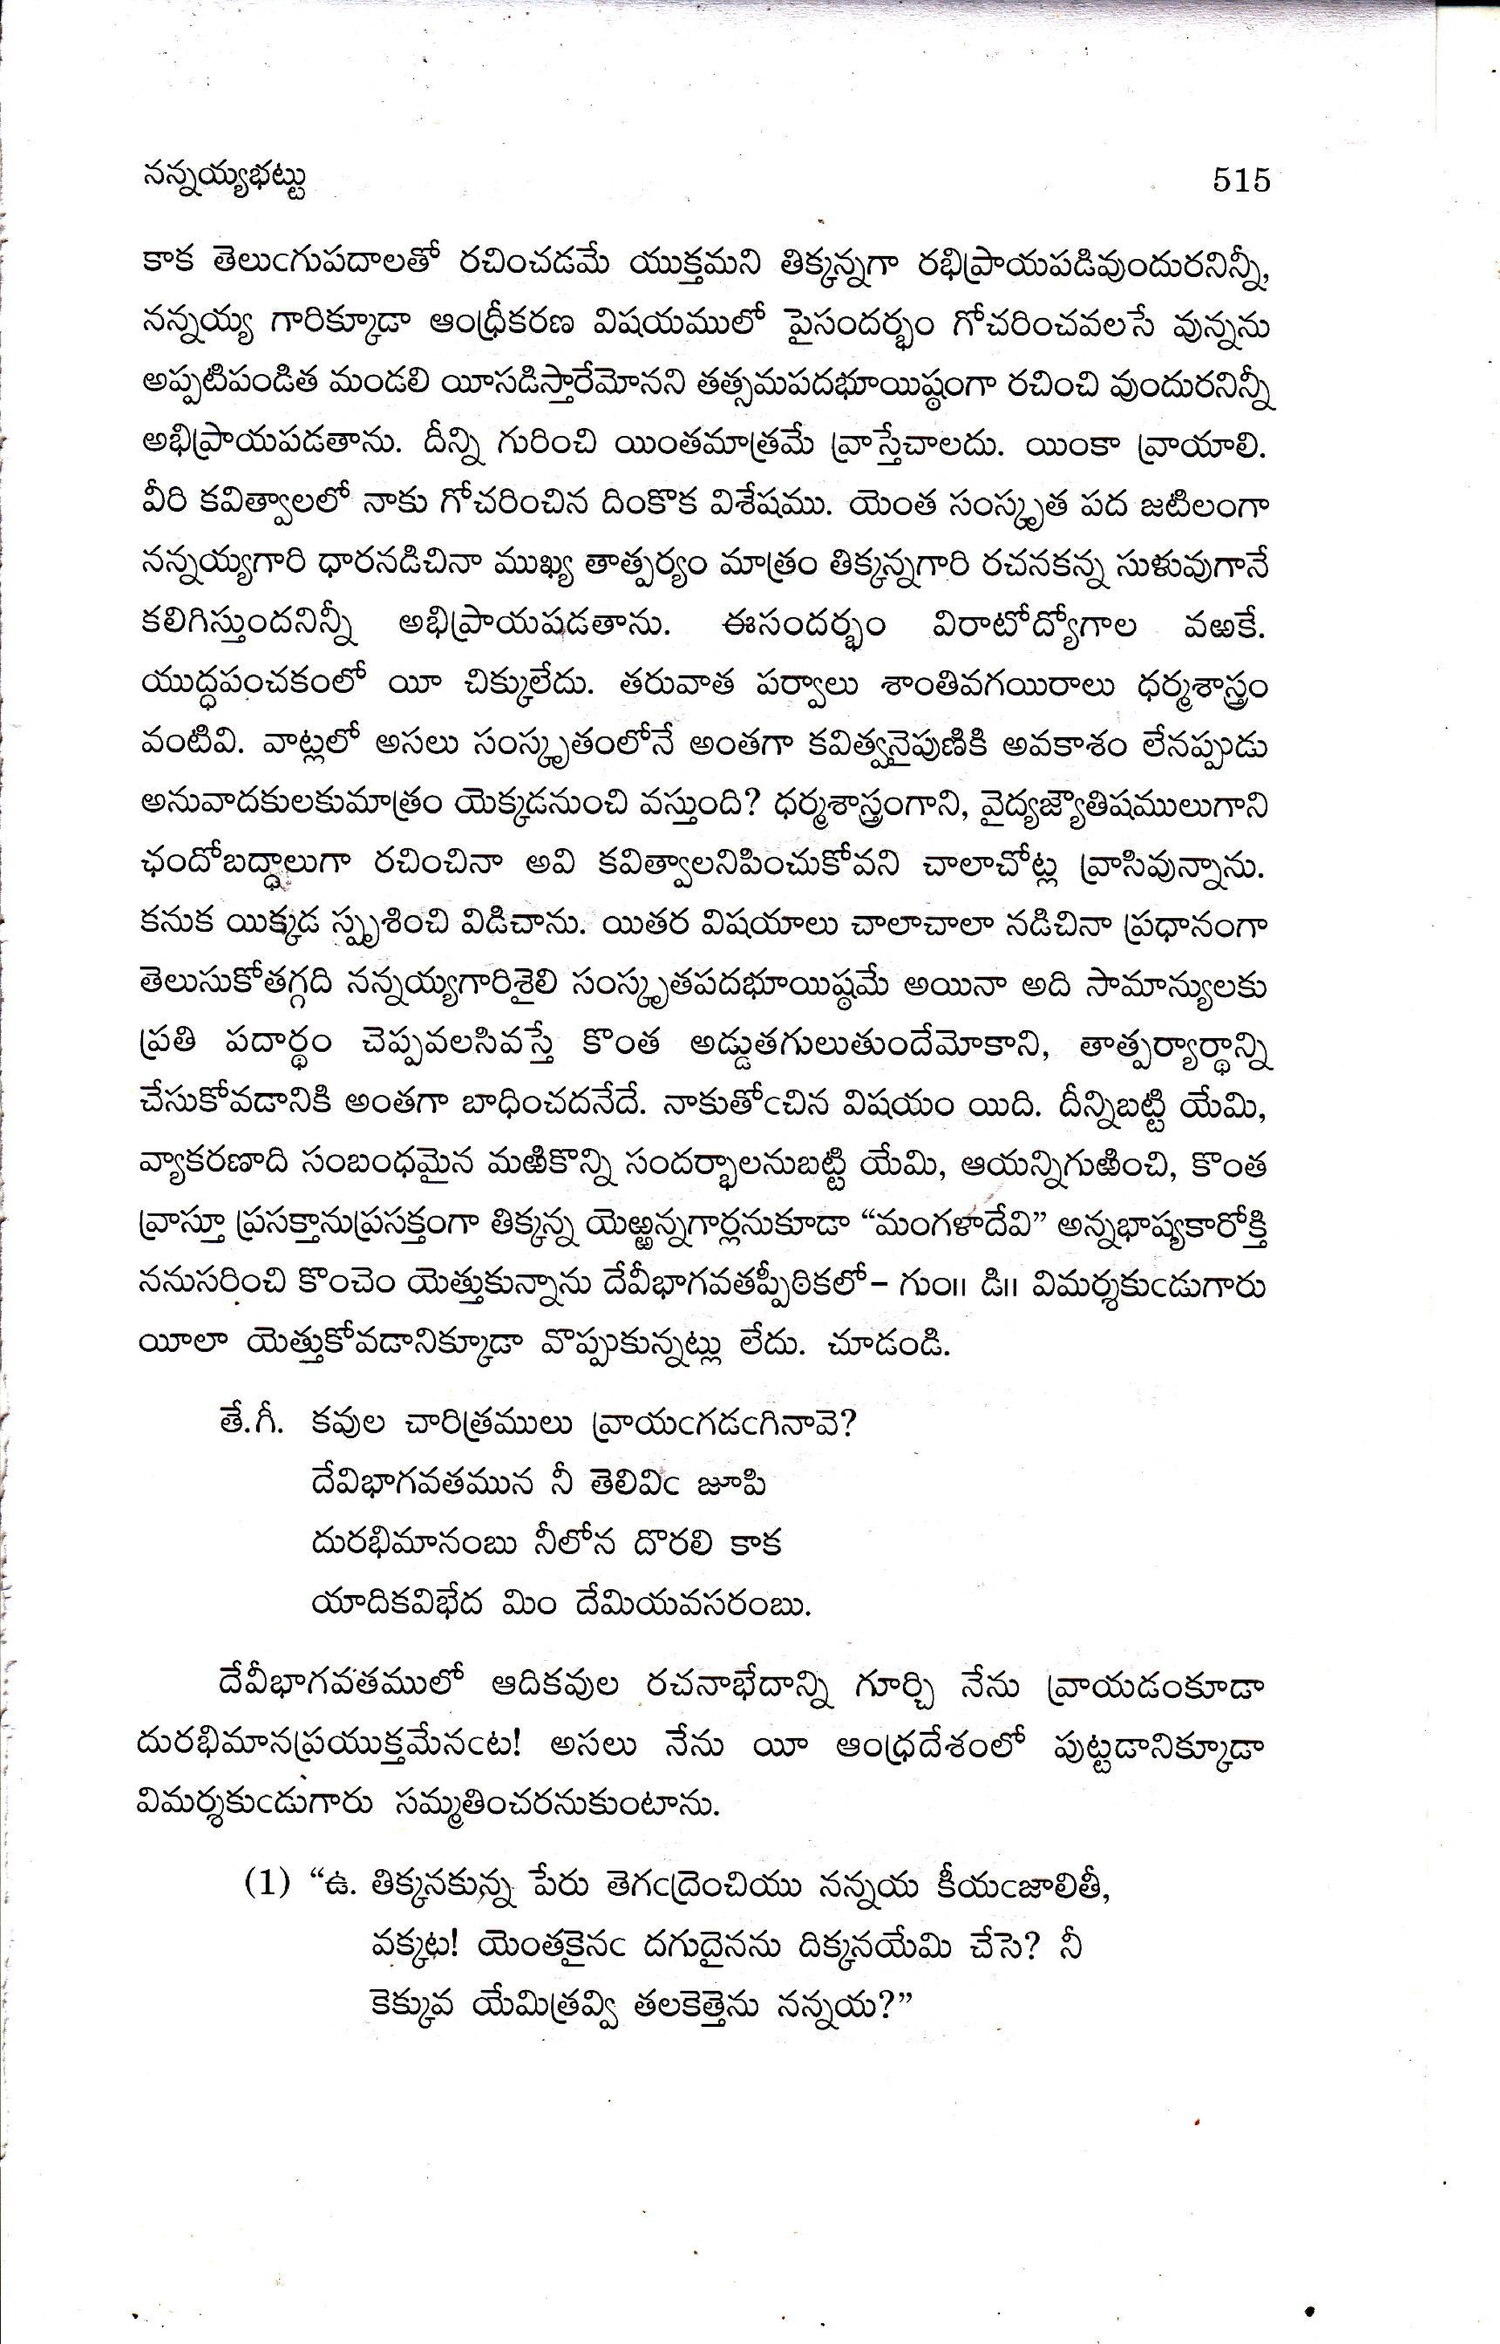కాక తెలుఁగుపదాలతో రచించడమే యుక్తమని తిక్కన్నగా రభిప్రాయపడివుందురనిన్నీ నన్నయ్య గారిక్కూడా ఆంద్రీకరణ విషయములో పైసందర్భం గోచరించవలసే వున్నను అప్పటిపండిత మండలి యీసడిస్తారేమోనని తత్సమపదభూయిష్ఠంగా రచించి వుందురనిన్నీ అభిప్రాయపడతాను. దీన్ని గురించి యింతమాత్రమే వ్రాస్తేచాలదు. యింకా వ్రాయాలి. వీరి కవిత్వాలలో నాకు గోచరించిన దింకొక విశేషము. యెంత సంస్కృత పద జటిలంగా నన్నయ్యగారి ధారనడిచినా ముఖ్య తాత్పర్యం మాత్రం తిక్కన్నగారి రచనకన్న సుళువుగానే కలిగిస్తుందనిన్నీ అభిప్రాయపడతాను. ఈసందర్భం విరాటోద్యోగాల వఱకే. యుద్ధపంచకంలో యీ చిక్కులేదు. తరువాత పర్వాలు శాంతివగయిరాలు ధర్మశాస్త్రం వంటివి. వాట్లలో అసలు సంస్కృతంలోనే అంతగా కవిత్వనైపుణికి అవకాశం లేనప్పుడు అనువాదకులకుమాత్రం యెక్కడనుంచి వస్తుంది? ధర్మశాస్త్రంగాని, వైద్యజ్యౌతిషములుగాని ఛందోబద్ధాలుగా రచించినా అవి కవిత్వాలనిపించుకోవని చాలాచోట్ల వ్రాసివున్నాను. కనుక యిక్కడ స్పృశించి విడిచాను. యితర విషయాలు చాలాచాలా నడిచినా ప్రధానంగా తెలుసుకోతగ్గది నన్నయ్యగారిశైలి సంస్కృతపదభూయిష్ఠమే అయినా అది సామాన్యులకు ప్రతి పదార్థం చెప్పవలసివస్తే కొంత అడ్డుతగులుతుందేమోకాని, తాత్పర్యార్ధాన్ని చేసుకోవడానికి అంతగా బాధించదనేదే. నాకుతోఁచిన విషయం యిది. దీన్నిబట్టి యేమి, వ్యాకరణాది సంబంధమైన మఱికొన్ని సందర్భాలనుబట్టి యేమి, ఆయన్నిగుఱించి, కొంత వ్రాస్తూ ప్రసక్తానుప్రసక్తంగా తిక్కన్నయెఱ్ఱన్నగార్లనుకూడా “మంగళాదేవి” అన్నభాష్యకారోక్తి ననుసరించి కొంచెం యెత్తుకున్నాను దేవీభాగవతప్పీఠికలో- గుం|| డి|| విమర్శకుఁడుగారు యీలా యెత్తుకోవడానిక్కూడా వొప్పుకున్నట్లు లేదు. చూడండి.

తే. గీ. కవుల చారిత్రములు వ్రాయఁగడఁగినావె? 
 దేవిభాగవతమున నీ తెలివిఁ జూపి 
 దురభిమానంబు నీలోన దొరలి కాక 
 యాదికవిభేద మిం దేమియవసరంబు.
దేవీభాగవతములో ఆదికవుల రచనాభేదాన్ని గూర్చి నేను వ్రాయడంకూడా దురభిమానప్రయుక్తమేనఁట! అసలు నేను యీ ఆంధ్రదేశంలో పుట్టడానిక్కూడా విమర్శకుఁడుగారు సమ్మతించరనుకుంటాను.

(1) “ఉ. తిక్కనకున్న పేరు తెగఁద్రెంచియు నన్నయ కీయఁజాలితీ,
 వక్కట! యెంతకైనఁ దగుదైనను దిక్కనయేమి చేసె? నీ 
 కెక్కువ యేమిత్రవ్వి తలకెత్తెను నన్నయ?”